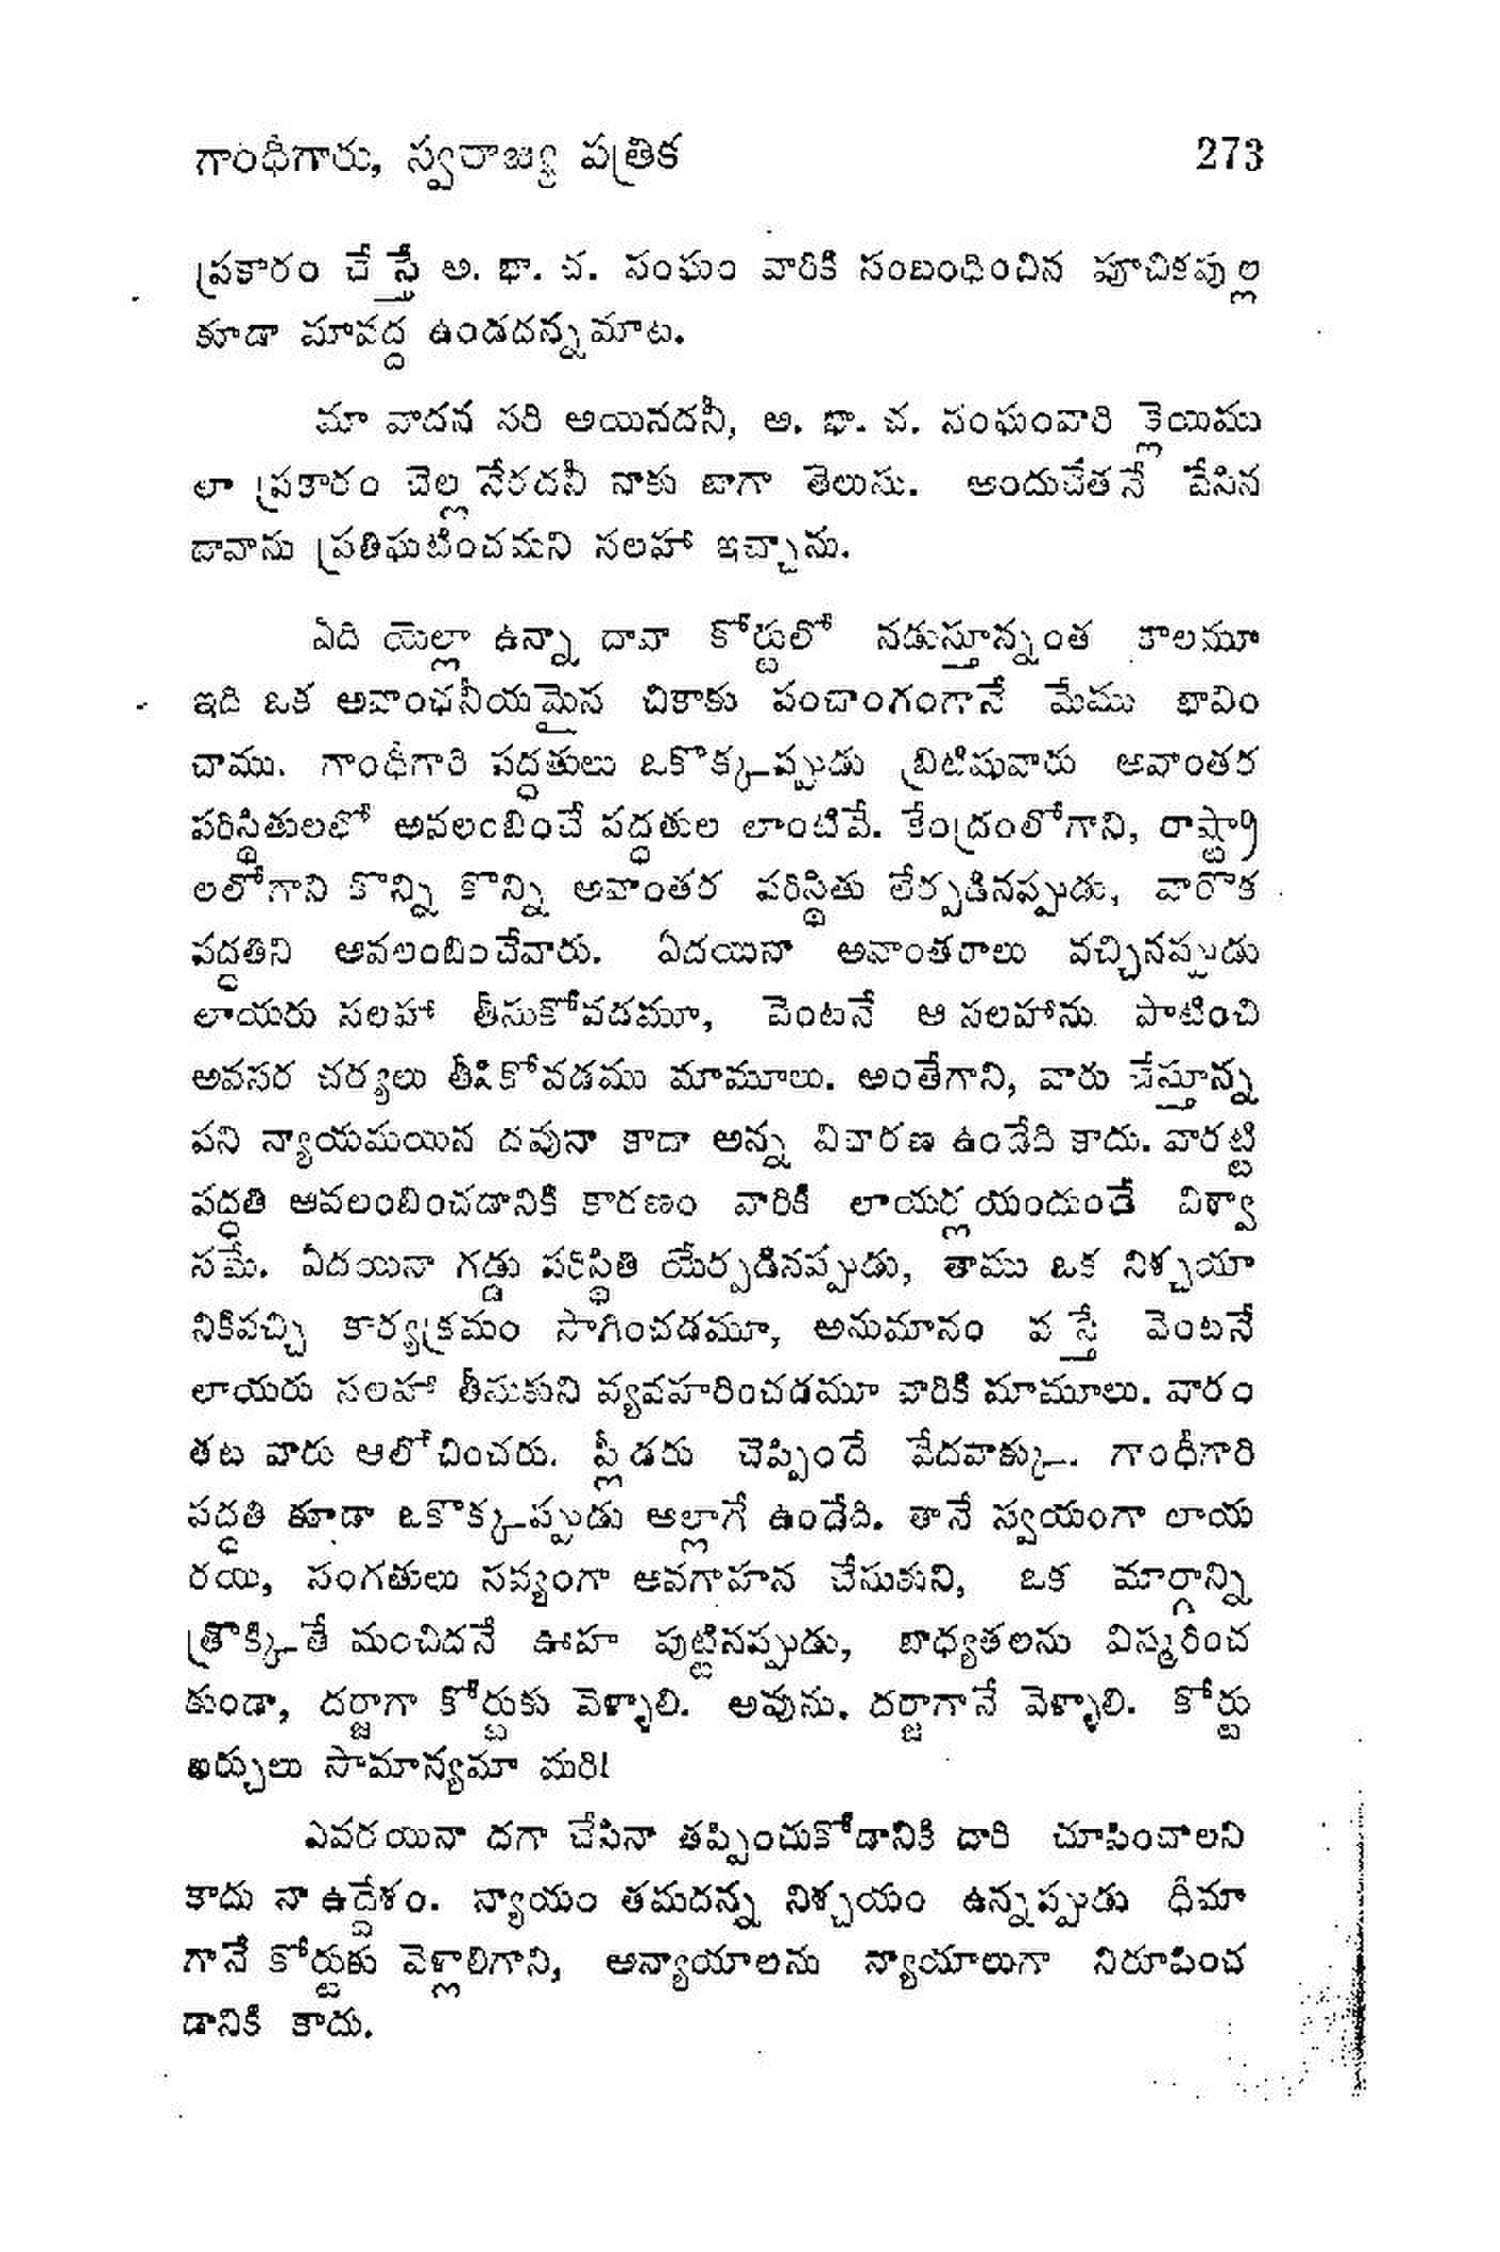ప్రకారం చేస్తే అ.భా.చ. సంఘం వారికి సంబందించిన పూచికపుల్ల కూడా మావద్ద ఉండదన్నమాట.

మా వాదన సరి అయినదనీ, అ.భా.చ. సంఘంవారి క్లెయిము లా ప్రకారం చెల్ల నేరదనీ నాకు బాగా తెలుసు. అందుచేతనే వేసిన దావాను ప్రతిఘటించమని సలహా ఇచ్చాను.

ఏది యెల్లా ఉన్నా దావా కోర్టులో నడుస్తూన్నంత కాలమూ ఇది ఒక అవాంఛనీయమైన చికాకు పంచాంగంగానే మేము భావించాము. గాంధీగారి పద్దతులు ఒకొక్కప్పుడు బ్రిటిషువారు అవాంతర పరిస్థితులలో అవలంబించే పద్దతుల లాంటివే. కేంద్రంలోగాని, రాష్ట్రాలలోగాని కొన్ని కొన్ని అవాంతర పరిస్థితు లేర్పడినప్పుడు, వారొక పద్దతిని అవలంబించేవారు. ఏదయినా అవాంతరాలు వచ్చినప్పుడు లాయరు సలహా తీసుకోవడమూ, వెంటనే అ సలహాను పాటించి అవసర చర్యలు తీసికోవడము మామూలు. అంతేగాని, వారుచేస్తూన్న పని న్యాయమయిన దవునా కాదా అన్న విచారణ ఉండేది కాదు. వారట్టి పద్దతి అవలంబించడానికి కారణం వారికి లాయర్లయందుండే విశ్వాసమే. ఏదయినా గడ్డు పరిస్థితి యేర్పడినప్పుడు, తాము ఒక నిశ్చయానికివచ్చి కార్యక్రమం సాగించడమూ, అనుమానం వస్తే వెంటనే లాయరు సలహా తీసుకుని వ్యవహరించడమూ వారికి మామూలు. వారంతట వారు ఆలోచించరు. ప్లీడరు చెప్పిందే వేదవాక్కు. గాంధీగారి పద్ధతి కూడా ఒకొక్కప్పుడు అల్లాగే ఉండేది. తానే స్వయంగా లాయరయి, సంగతులు సవ్యంగా అవగాహన చేసుకుని, ఒక మార్గాన్నీ త్రొక్కితే మంచిదనే ఊహ పుట్టినప్పుడు, బాధ్యతలను విస్మరించకుండా, దర్జాగా కోర్టుకు వెళ్ళాలి. అవును. దర్జాగానే వెళ్ళాలి. కోర్టు ఖర్చులు సామాన్యమా మరి!

ఎవరయినా దగా చేసినా తప్పించుకోడానికి దారి చూపించాలని కాదు నా ఉద్దేశం. న్యాయం తమదన్న నిశ్చయం ఉన్నప్పుడు ధీమాగానే కోర్టుకు వెళ్ళాలిగాని, అన్యాయాలను న్యాయాలుగా నిరూపించడానికి కాదు.